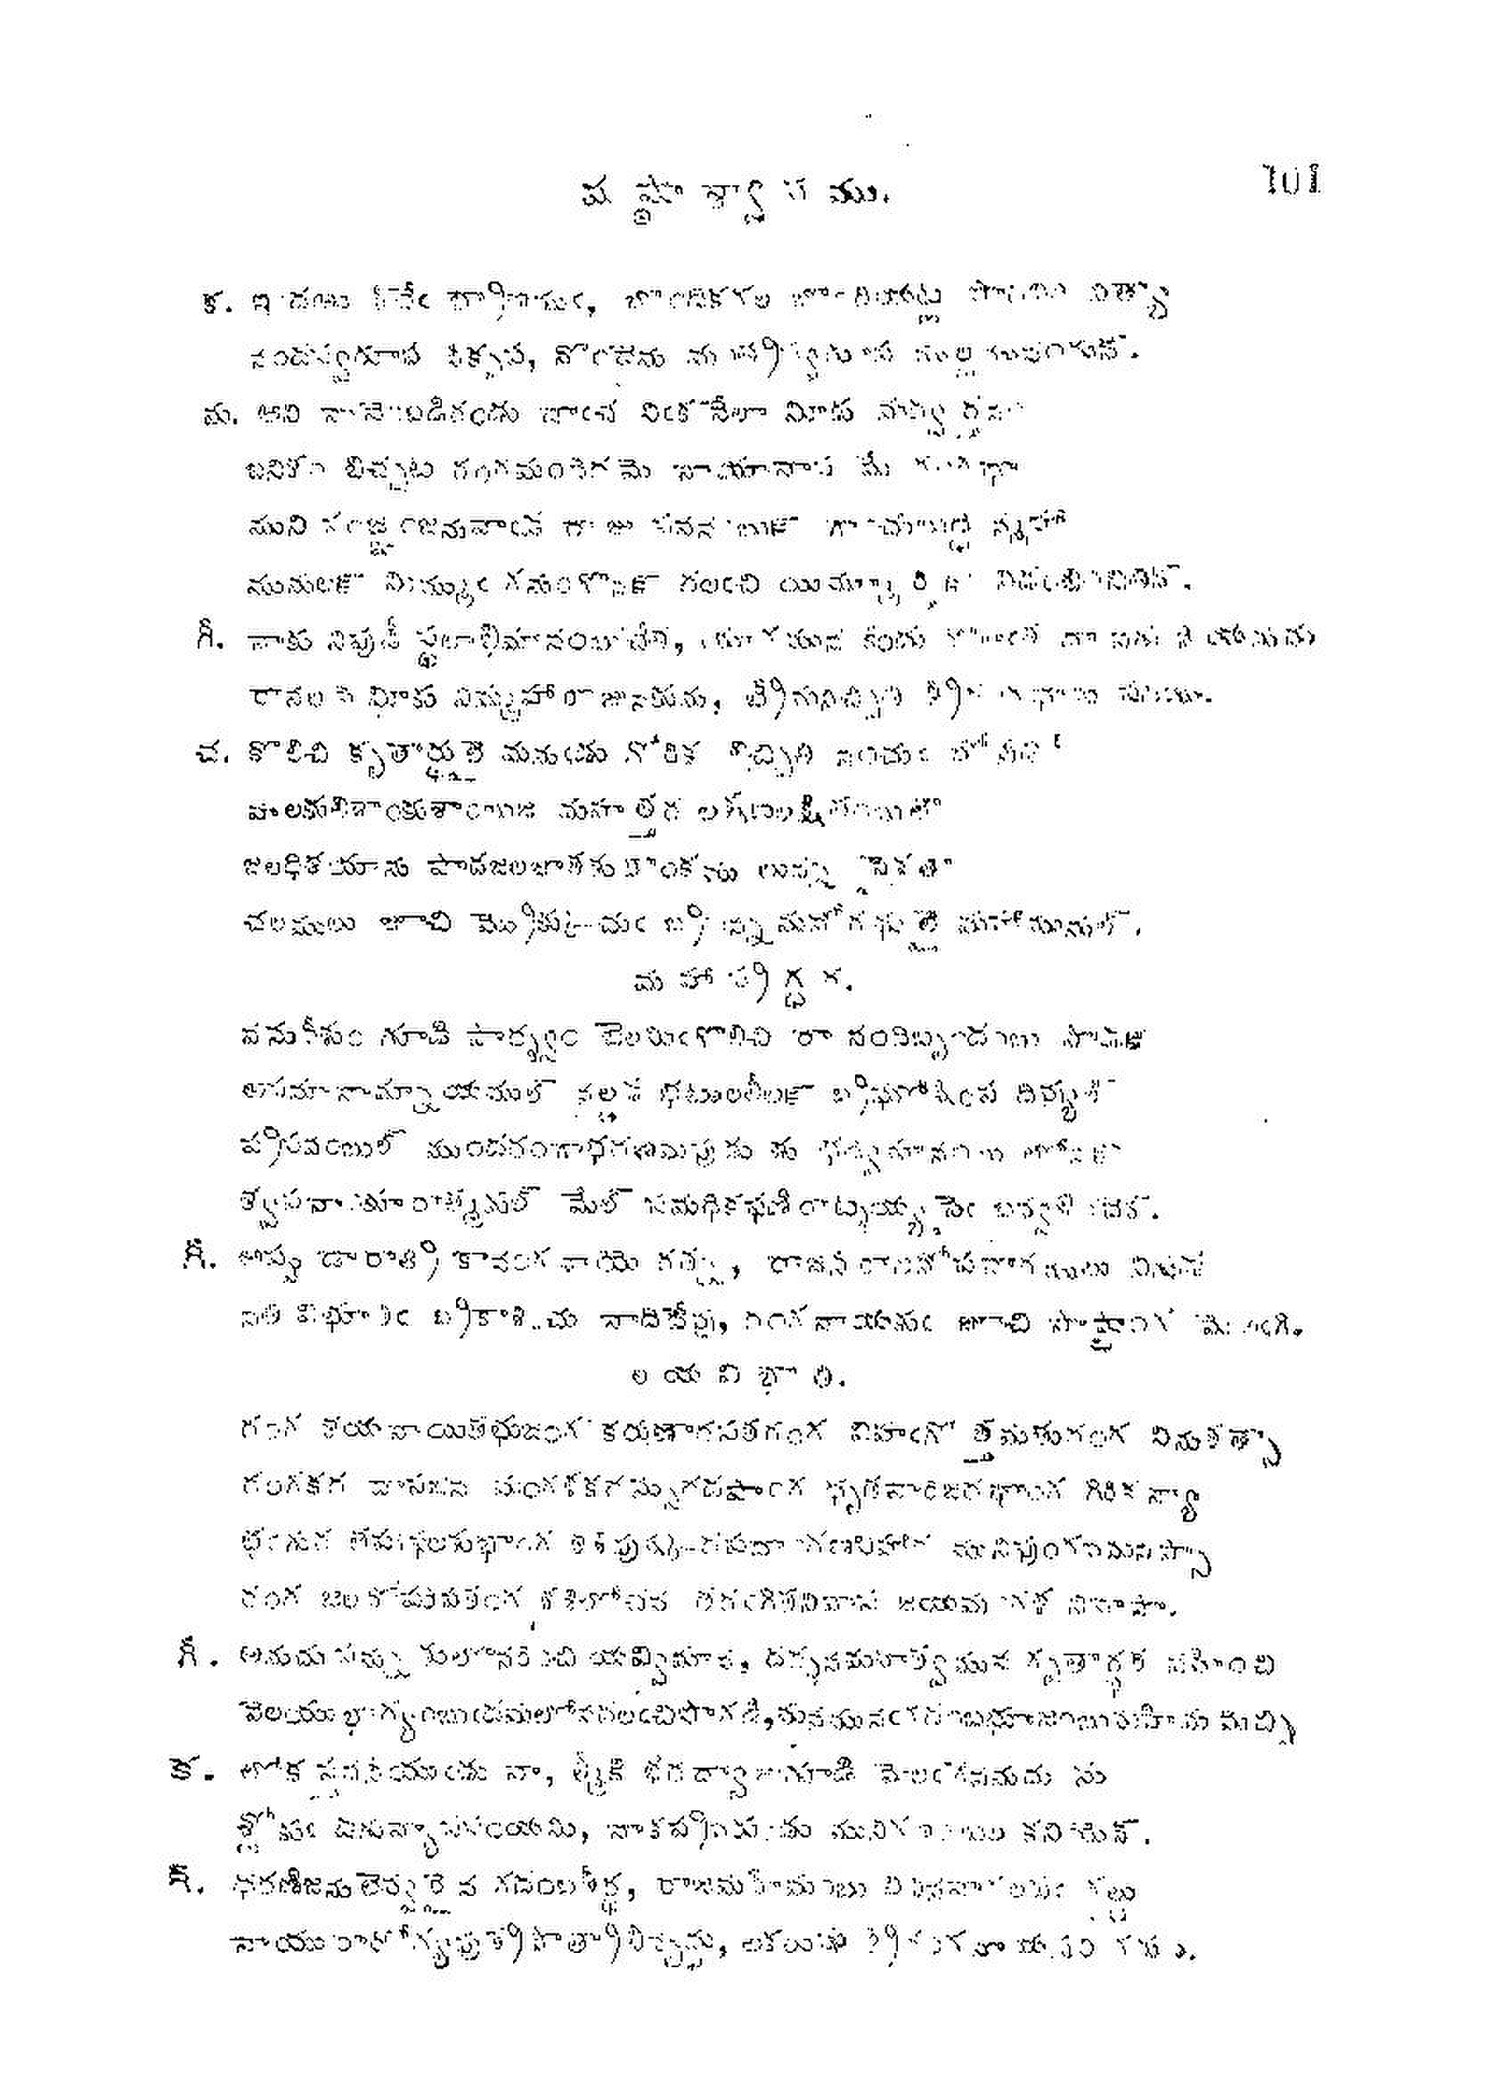క. ఇందఱు నీచేఁ బ్రాణముఁ, బొందికగల బొందియట్ల పొరవిరి నిత్యా
 నందస్వరూప నీకృప, నొందెను మంత్రస్వరూప ముల్లమునందున్.
మ. అని నావెంబడిరండు దాఁచ నిఁకనేలా మీకు మద్వర్తనం
 బనిశం బిచ్చట రంగమందిరమె నాాయావాస మే రంగధా
 ముని సంజ్ఞం జనువాఁడ రాజు సవనంబున్ గాంచు బుద్ధి న్మహా
 మునులన్ మిమ్ముఁ గనుంగొనన్ దలఁచి యిమ్మూర్తిన్ విడంబించితిన్.
గీ. నాకు నిపుడీ స్థలాభిమానంబుచేత, యాగమున కిందు కొఱఁత దా నగునె యనుచు
 రావలసె మీకు నిమ్మహారాజునకును, బ్రేమనిచ్చితి శ్రీరంగధామ పదము.
చ. కొలిచి కృతార్థులై మనుఁడు గోరిక లిచ్చితి నంచుఁ బోవుచో
 హలకులిశాంకుశాంబుజ మహత్తరలక్షణలక్షితంబులౌ
 జలధిశయాను పాదజలజాతశుభాంకము లున్న సైకతా
 చలములు జూచి మ్రొక్కుచుఁ బ్రసన్నమనోరథులై మహామునుల్.
మహాస్రగ్ధర. వసుధీశుం గూడి పార్శ్వం బెలమిఁగొలిచి రా వందిబృందంబు పాడన్
 అసమానామ్నాయముల్ నల్లడ భటులలీలన్ బ్రఘోషింప దివ్యుల్
 ప్రసవంబుల్ ముందరంగాభరణ మపుడు శుభద్విమానంబులోనన్
 శ్వసనాంకూరాత్మకుల్ మేల్ సమధికఫణిరాట్శయ్యపై బవ్వళించెన్.
గీ. అప్పుడా రాత్రి కానంగనాయె రత్న, రాజనీరాజనోపచారములు నిగుడ
 నతి విభూతిఁ బ్రకాశించు నాదిదేవు, రంగనాయకుఁ జూచి సాష్టాంగ మెఱఁగి.
లయవిభాతి. రంగశయనాయితభుజంగ కరుణారసతరంగ విహఁగోత్తమతురంగ నినుతత్సా
 రంగకర దాసజన మంగళకరస్ఫురదపాంగ ధృతవారిజరథాంగ గిరికన్యా
 భంగుర తపఃఫలశుభాంగ శశిపుష్కరపదాంగణవిహార మునిపుంగవమనస్సా
 రంగ జలదోపరిపతంగ శశిలోచన తరంగితనివాస జయమంగళనివాసా.
గీ. అనుచు నన్నుతు లొనరించి యవ్విమాన, దర్శనమహత్వమున గృతార్థత వహించి
 వెలయుభాగ్యంబుఁ దమలోన దలఁచి పొగడి, మనమున కదంబభూజంబు మహిమ మెచ్చి.
క. లోకస్తవనీయుఁడు వా, ల్మీకి భరద్వాజు గూడి మెలఁగెననుచు సు
 శ్లోకుఁ డగువ్యాససంయమి, నాకప్రవరుండు మునిగణంబుల కనియెన్.
గీ. ధరణిజను లెవ్వరైన గదంబతీర్థ, రాజమహిమంబు వినినవారలకుఁ గల్గు
 నాయురారోగ్యపుత్రపౌత్రాభివృద్ధు, లకలుషు శ్రీరంగనాయకుని గరుణ.